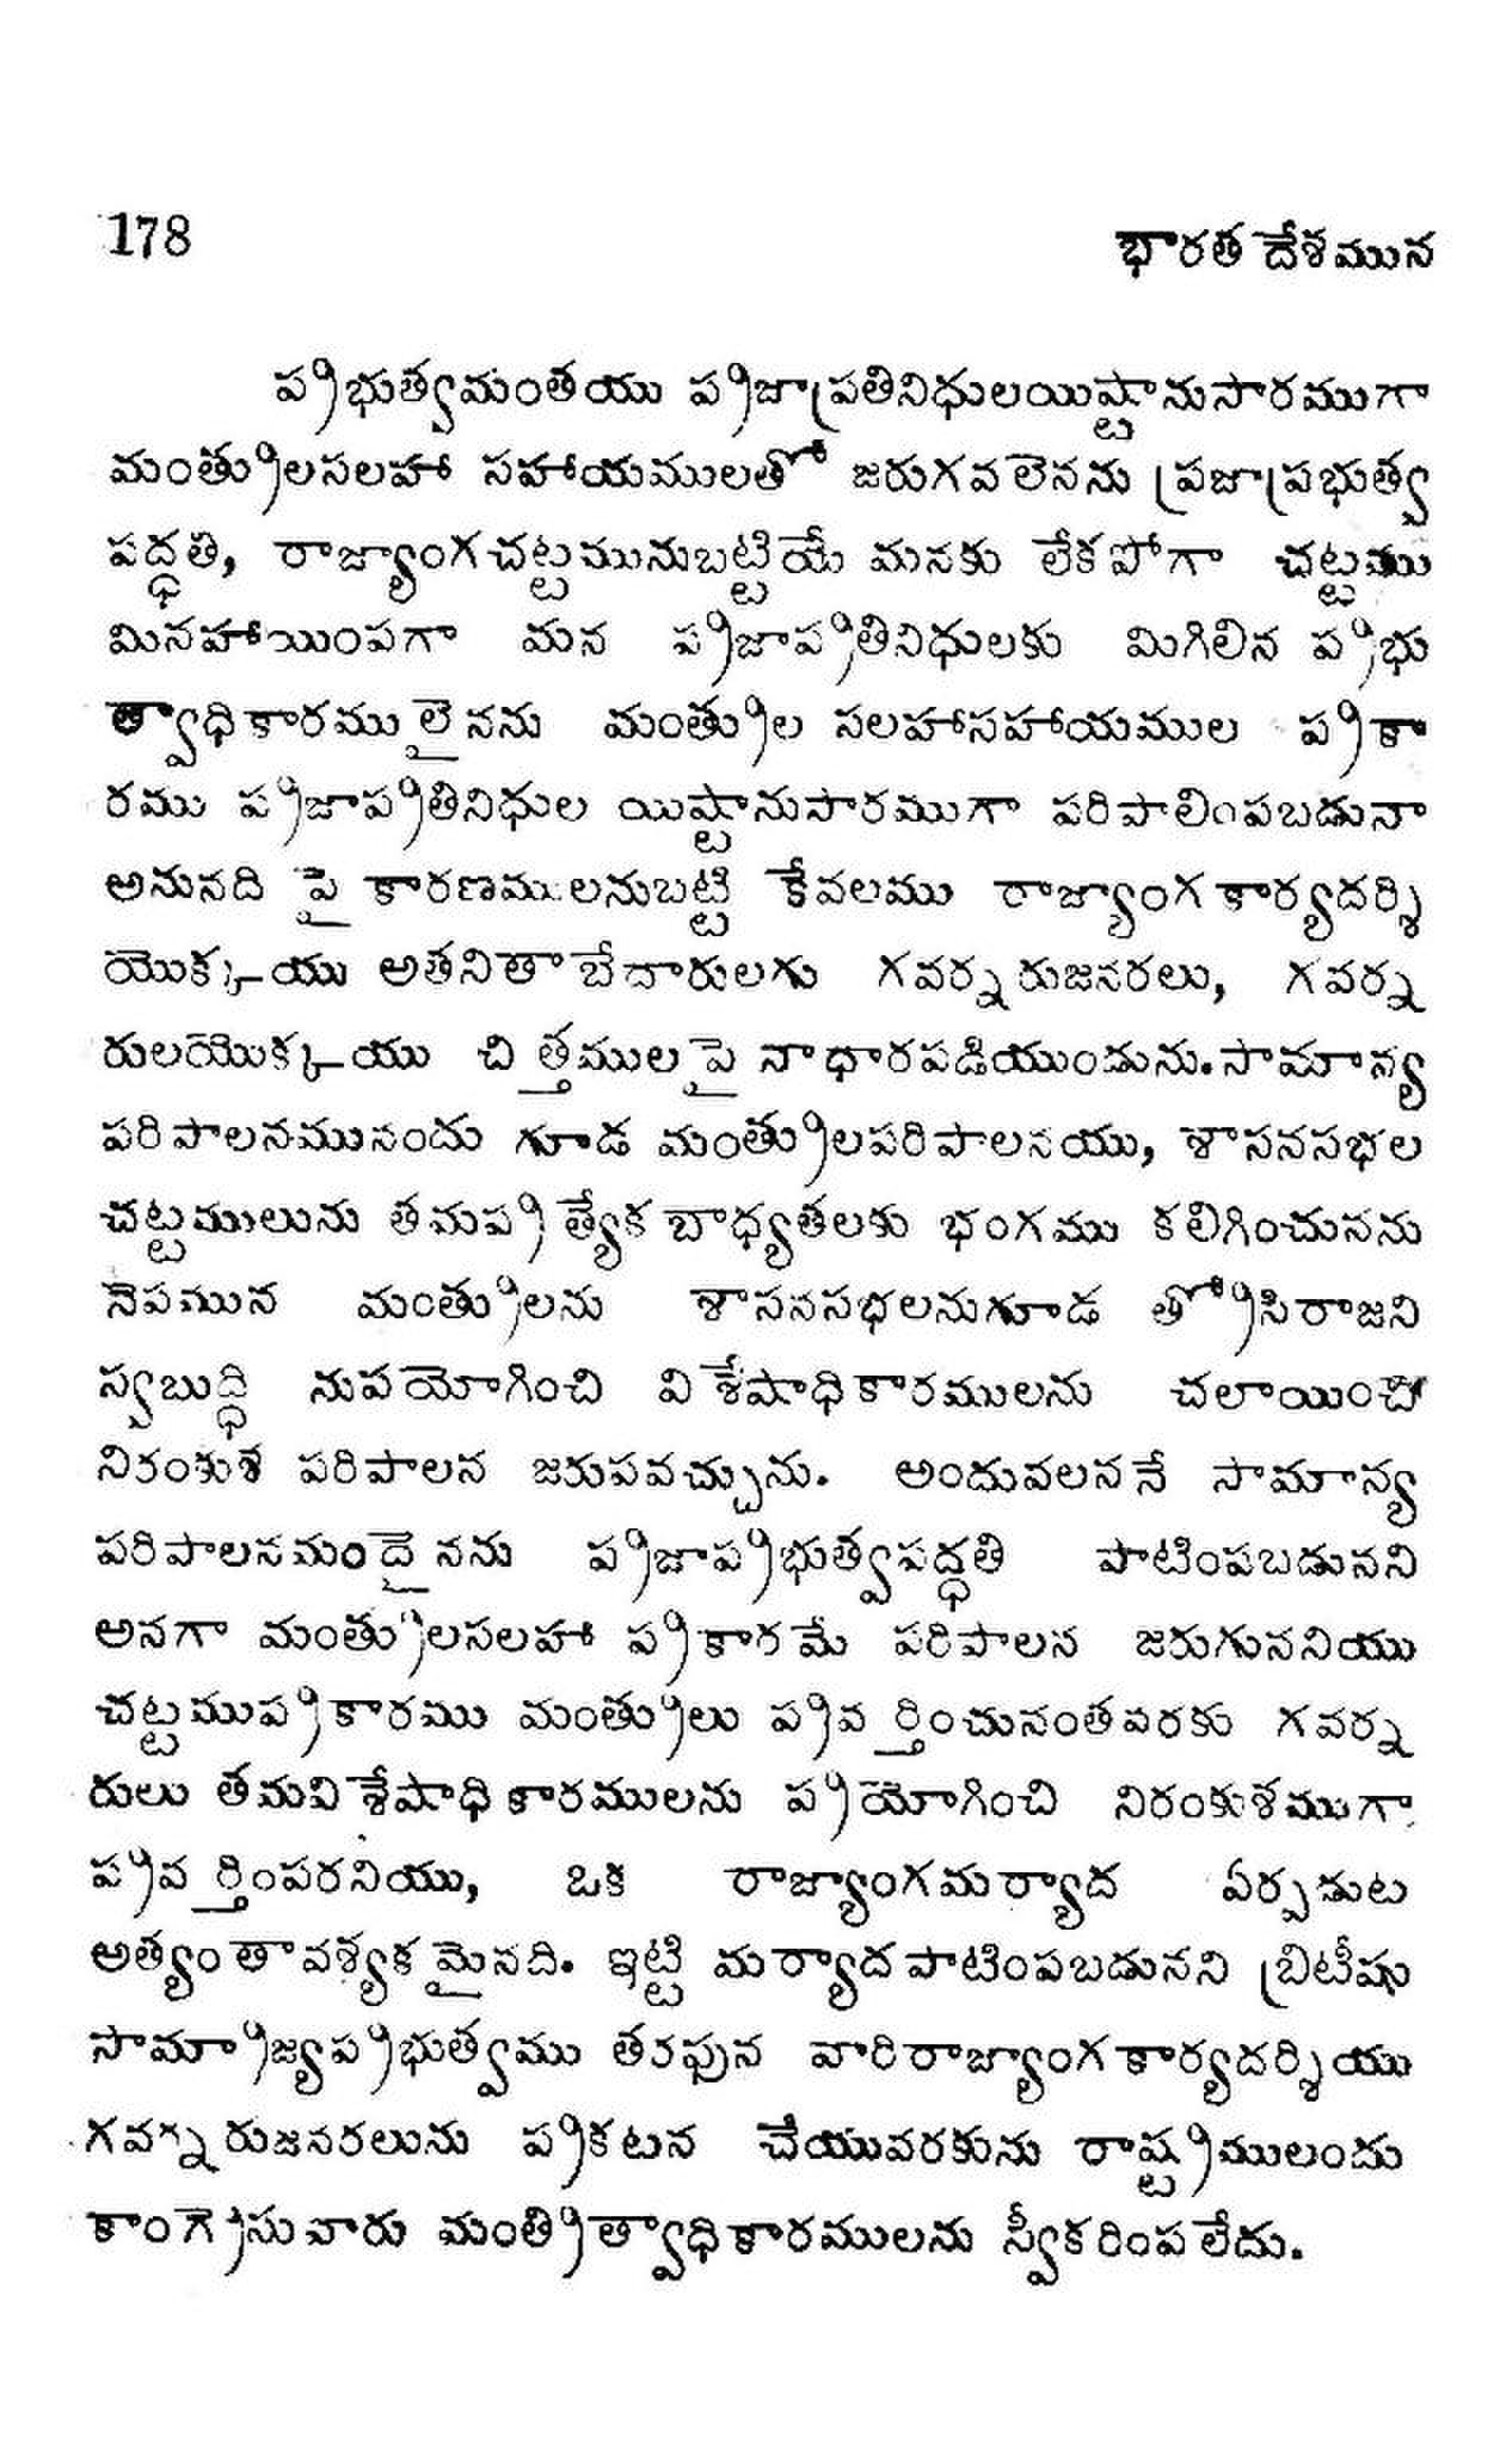ప్రభుత్వమంతయు ప్రజాప్రతినిధులయిష్టానుసారముగా మంత్రులసలహా సహాయములతో జరుగవలెనను ప్రజాప్రభుత్వ పద్ధతి, రాజ్యాంగచట్టమునుబట్టియే మనకు లేకపోగా చట్టము మినహాయింపగా మన ప్రజాప్రతినిధులకు మిగిలిన ప్రభుత్వాధికారములైనను మంత్రుల సలహాసహాయముల ప్రకారము ప్రజాప్రతినిధుల యిష్టానుసారముగా పరిపాలింపబడునా అనునది పై కారణములనుబట్టి కేవలము రాజ్యంగకార్యదర్శియొక్కయు అతనితాబేదారులగు గవర్నరుజనరలు, గవర్నరులయొక్కయు చిత్తముల పై నాధారపడియుండును. సామాన్య పరిపాలనమునందు గూడ మంత్రులపరిపాలనయు, శాసనసభల చట్టములును తమప్రత్యేకబాధ్యతలకు భంగము కలిగించునను నెపమున మంత్రులను శాసనసభలనుగూడ త్రోసిరాజని స్వబుద్ది నుపయోగించి విశేషాధికారములను చలాయించి నిరంకుశ పరిపాలన జరుపవచ్చును. అందువలననే సామాన్య పరిపాలనమందైనను ప్రజాప్రభుత్వపద్దతి పాటింపబడునని అనగా మంత్రులసలహా ప్రకారమే పరిపాలన జరుగుననియు చట్టముప్రకారము మంత్రులు ప్రవర్తించునంతవరకు గవర్నరులు తమవిశేషాధికారములను ప్రయోగించి నిరంకుశముగా, ప్రవర్తింపరనియు, ఒక రాజ్యాంగమర్యాద ఏర్పడుట అత్యంతావశ్యకమైనది. ఇట్టి మర్యాద పాటింపబడునని బ్రిటీషుసామ్రాజ్యప్రభుత్వము తరఫున వారిరాజ్యాంగ కార్యదర్శియు గవర్నరుజనరలును ప్రకటన చేయువరకును రాష్ట్రములందు కాంగ్రెసువారు మంత్రిత్వాధికారములను స్వీకరింపలేదు.